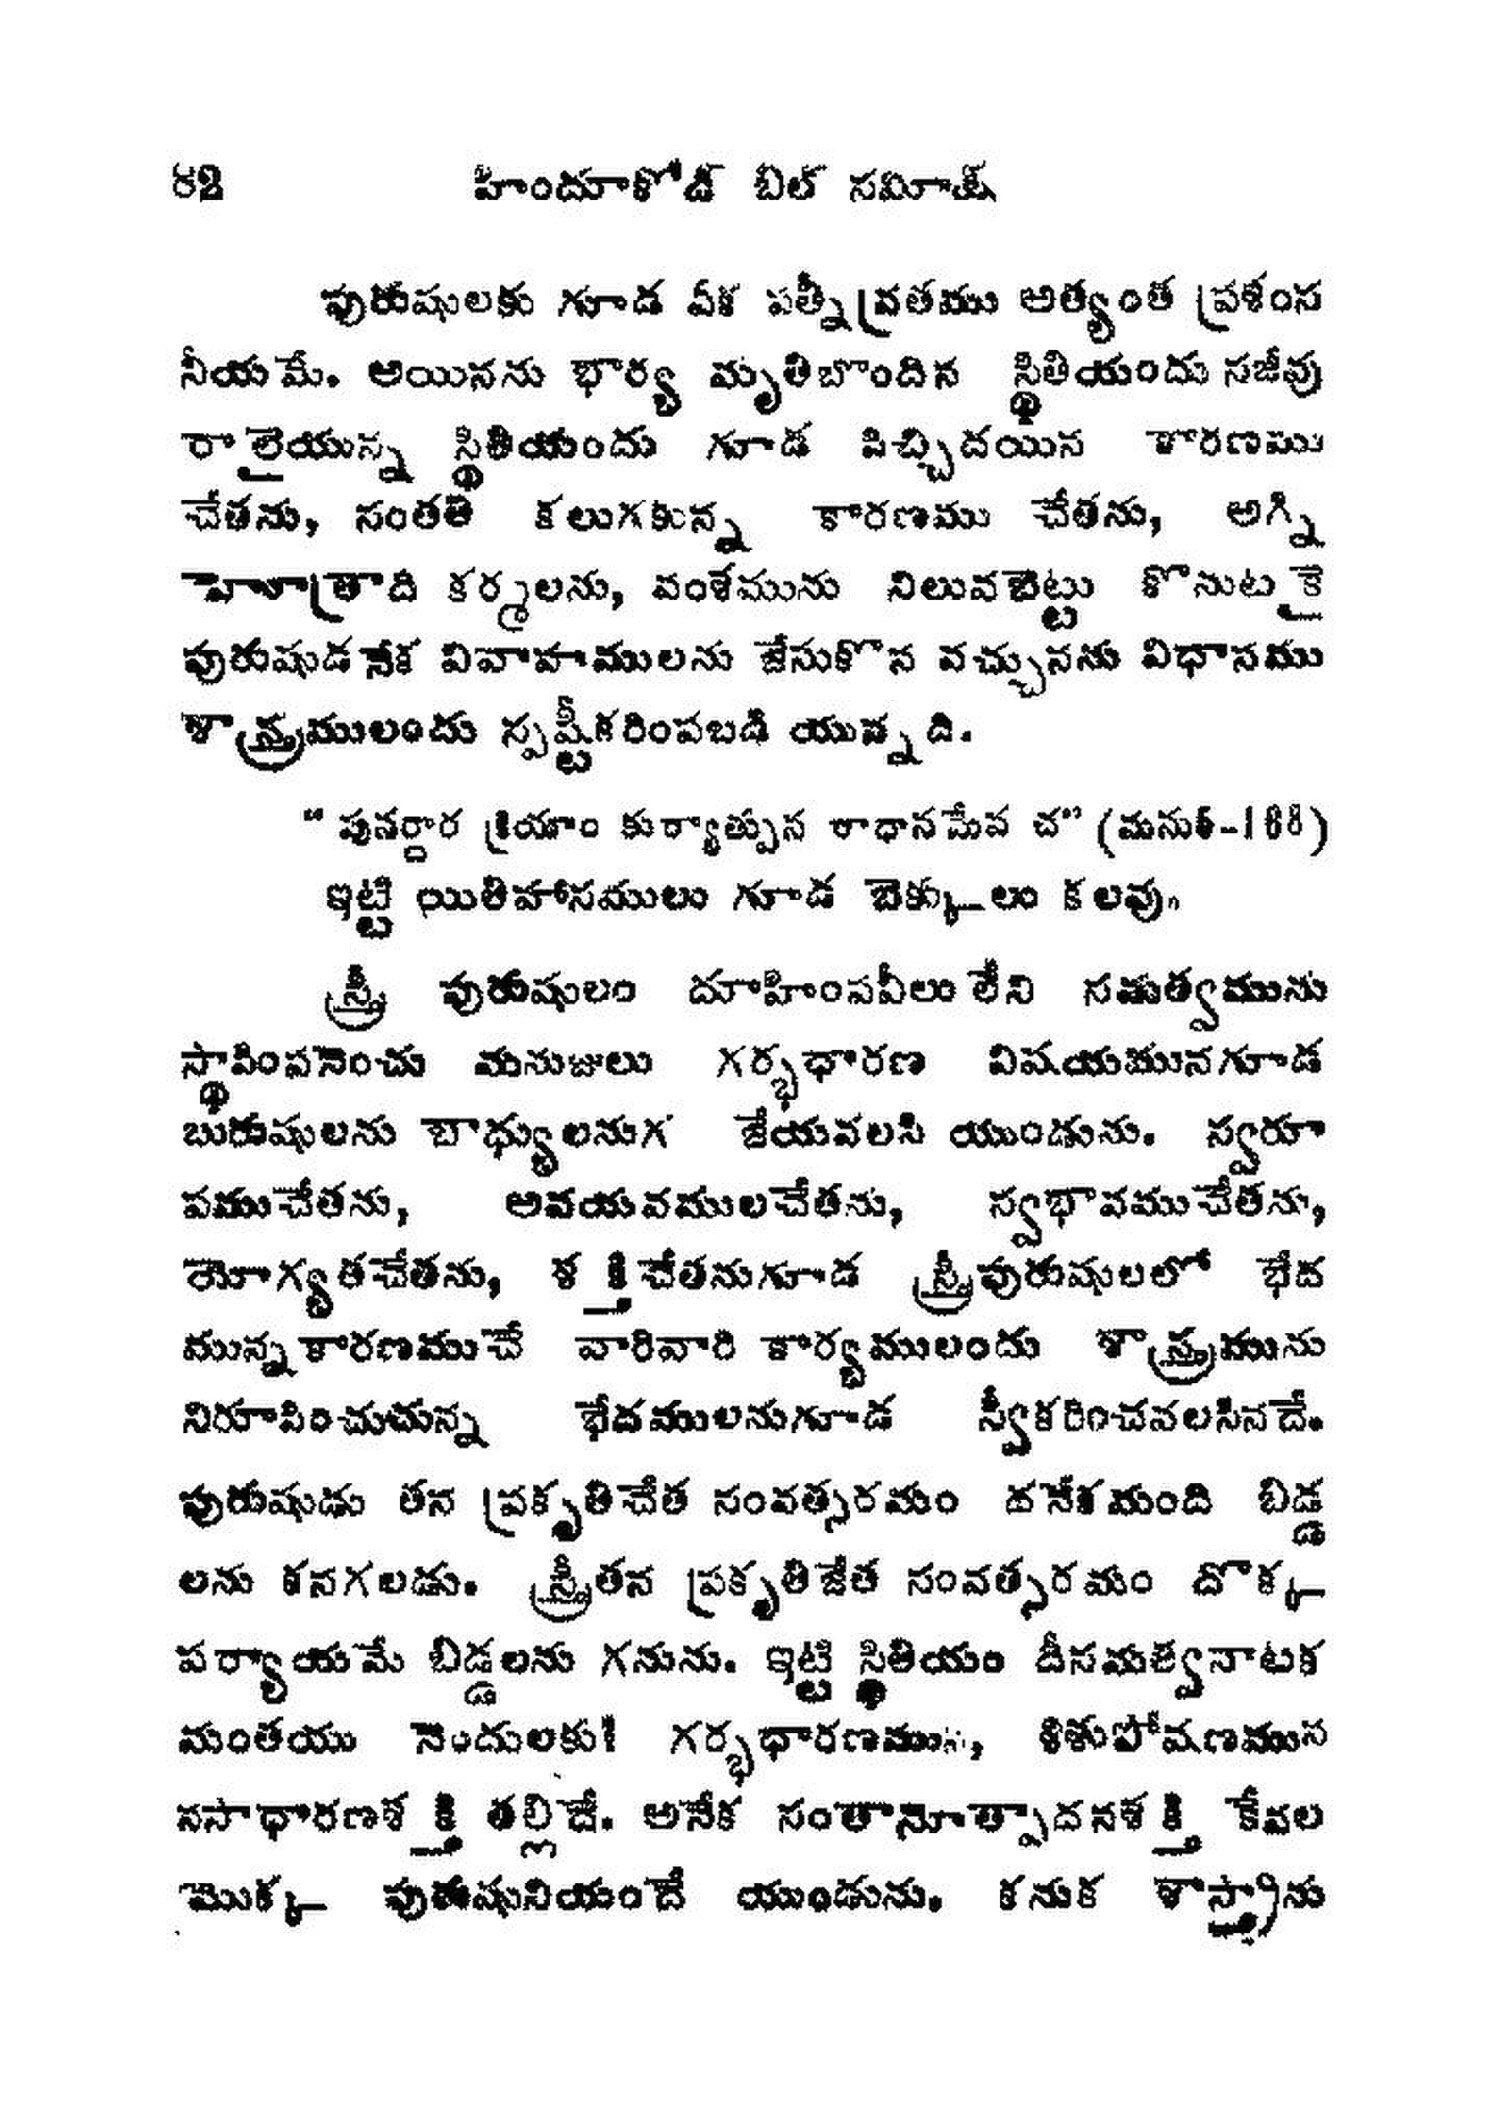పురుషులకు గూడ ఏక పత్నీవ్రతము అత్యంత ప్రశంస
నీయమే. అయినను భార్య మృతిబొందిన స్థితియందు సజీవు
రాలైయున్న స్థితియందు గూడ పిచ్చిదయిన కారణము
చేతను, సంతతి కలుగుకున్న కారణము చేతను, అగ్ని
హూత్రాది కర్మలను, వంశమును నిలువబెట్టు కొనుటకై
పురుషుడనేక వివాహములను జేసుకొన వచ్చునను విధానము
శాస్త్రములందు స్పష్టీకరింపబడి యున్నది.

"పునర్దార క్రియాం కుర్యాత్పునరాధానమేవ చ"
 (మను 5-168)
 
ఇట్టి యితిహాసములు గూడ బెక్కులు కలవు. 
పురుషులం దూహింపవీలు లేని సమత్వమును
స్థాపింపనెంచు మనుజులు గర్భధారణ విషయమున గూడ
బురుషులను బాధ్యులనుగ జేయవలసి యుండును. స్వరూ
పముచేతను, అవయవములచేతను,యోగ్యతచేతను, 
శక్తిచేతను గూడ స్త్రీపురుషులలో భేదమున్న కారణముచే 
వారివారి కార్యములందు శాస్త్రము నిరూపించుచున్న భేదములనుగూడ
స్వీకరించ వలసినదే. పురుషుడు తన ప్రకృతిచేత సంవత్సరమం 
దనేకమంది బిడ్డలను కనగలడు. స్త్రీతన ప్రకృతిజేత సంవత్సరమం దొక్క
పర్యాయమే బిడ్డలను గనును. ఇట్టి స్థితియం దీసమత్వనాటక
మంతయు నెందులకు? గర్భధారణము, శిశుపోషణమున
నసాధారణశక్తి తల్లిదే. అనేక సంతానోత్పాదనశక్తి కేవల
మొక్క పురుషునియందే యుండును. కనుక శాస్త్రాను